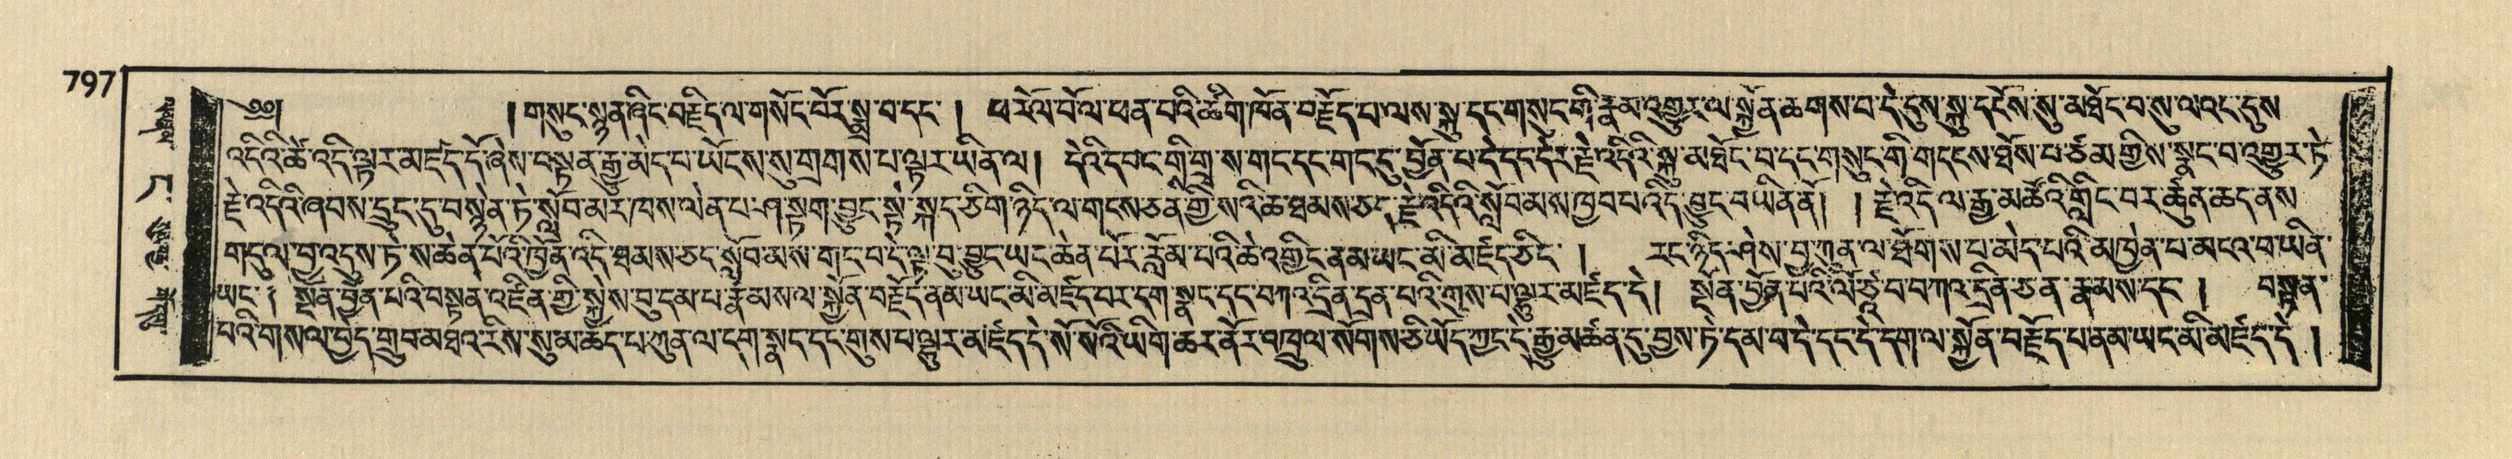༄༅། །གསུང་སྙན་ཞིང་བརྗིད་ལ་གསོང་བོར་སྨྲ་བ་དང་། ཕ་རོལ་བོ་ལ་ཕན་བའི་ཚིག་ཁོ་ན་བརྗོད་པ་ལས་སྐུ་དང་གསུང་གི་རྣམ་འགྱུར་ལ་སྐྱོན་ཆགས་པ་དེ་དུས་སྐུ་དངོས་སུ་མཐོང་བ་སུ་ལའང་དུས་
འདིའི་ཚེ་འདི་ལྟར་མཛད་དོ་ཞེས་བསྟན་རྒྱུ་མེད་པ་ཡོངས་སུ་གྲགས་པ་ལྟར་ཡིན་ལ། དེའི་དབང་གིས་གྲྭ་ས་གང་དང་གང་དུ་བྱོན་པ་དེ་དང་དེར་རྗེ་འདིའི་སྐུ་མཐོང་བ་དང་གསུང་གི་གདངས་ཐོས་པ་ཙམ་གྱིས་སྣང་བ་འགྱུར་ཏེ་
རྗེ་འདིའི་ཞབས་དྲུང་དུ་བསྙེན་ཏེ་སློབ་མར་ཁས་ལེན་པ་ཤ་སྟག་བྱུང་སྟེ་སྐད་ཅིག་ཉིད་ལ་གངས་ཅན་གྱི་སའི་ཆ་ཐམས་ཅད་རྗེ་འདིའི་སློབ་མས་ཁྱབ་པའི་ད་བྱུང་བ་ཡིན་ནོ། །རྗེ་འདི་ལ་རྒྱ་མཚོའི་གླིང་བར་ཚུན་ཆད་ནས་
གདུལ་བྱ་འདུས་ཏེ་ས་ཆེན་པོའི་ཁྱོན་འདི་ཐམས་ཅད་སློབ་མས་གང་བ་དེ་ལྟ་བུ་བྱུང་ཡང་ཆེན་པོར་རློམ་པའི་ཆེ་འགྱིང་ནམ་ཡང་མི་མཛད་ཅིང་། རང་ཉིད་ཤེས་བྱ་ཀུན་ལ་ཐོགས་པ་མེད་པའི་མཁྱེན་པ་མངའ་བ་ཡིན་
ཡང༑ སྔོན་བྱོན་པའི་བསྟན་འཛིན་གྱི་སྐྱེས་བུ་དམ་པ་རྣམས་ལ་སྐྱོན་བརྗོད་ནམ་ཡང་མི་མཛད་བར་དག་སྣང་དང་བཀའ་དྲིན་དྲན་པའི་གུས་པ་ལྷུར་མཛད་དེ། སྔོན་བྱོན་པའི་ལོ་ཙཱ་བ་བཀའ་དྲིན་ཅན་རྣམས་དང་། བསྟན་
པའི་གསལ་བྱེད་གྲུབ་མཐའ་རིས་སུ་མ་ཆད་པ་ཀུན་ལ་དག་སྣང་དང་གུས་པ་ལྷུར་མཛད་དེ་སོ་སོའི་ཡིག་ཆར་ནོར་འཁྲུལ་སོགས་ཅི་ཡོད་ཀྱང་དེ་རྒྱུ་མཚན་དུ་བྱས་ཏེ་དམ་བདེ་དང་དེ་དག་ལ་སྐྱོན་བརྗོད་པ་ནམ་ཡང་མི་མཛད་དེ།